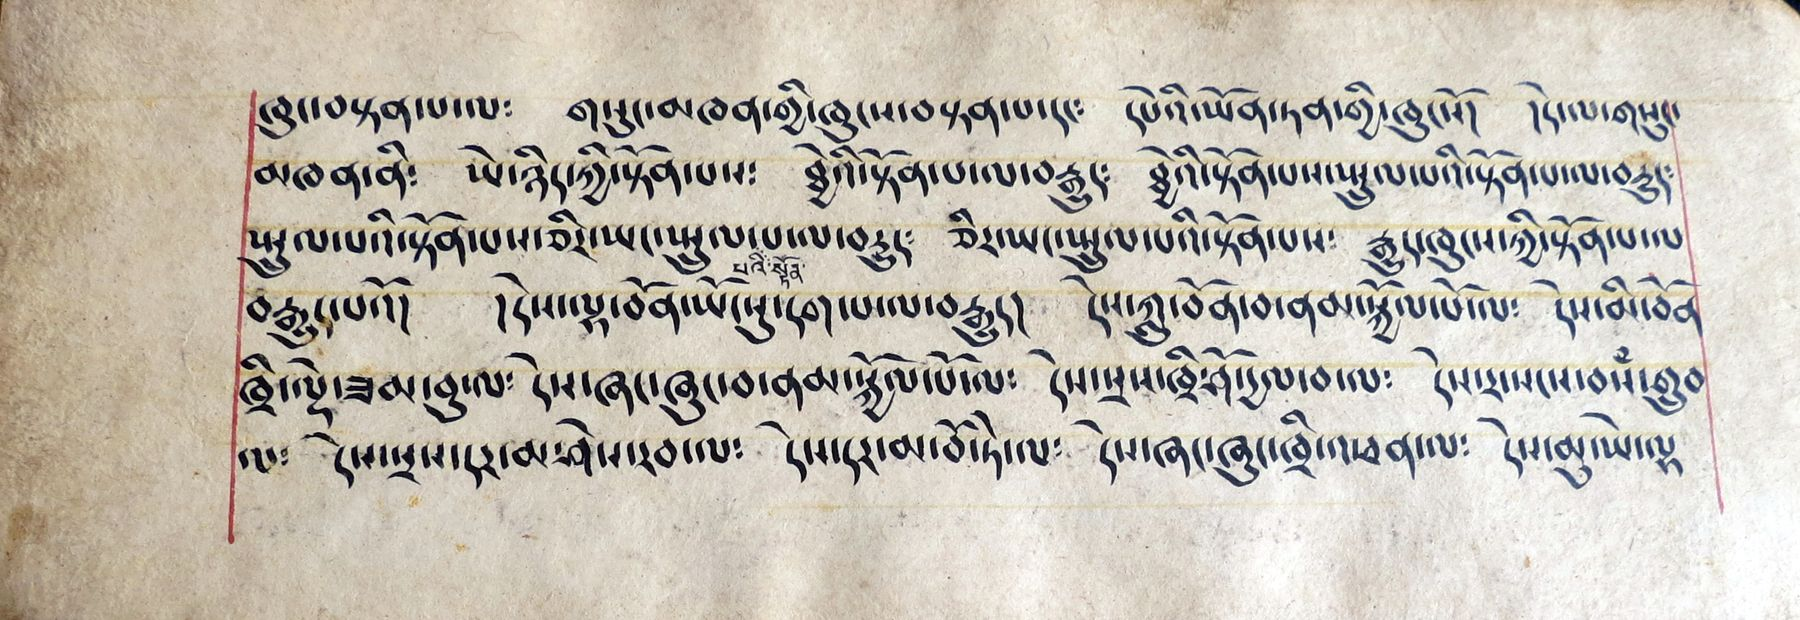ཁུངས་བསྟན་པ་ལ། གསུང་མཁན་གྱི་ཁུངས་བསྟན་པ་དང་། དཔེ་ཡི་ཡོན་ཏན་གྱི་ཁུངས་སོ། དེ་ལ་གསུང་
མཁན་ནི། ཡེ་ཉིད་ཀྱི་སྟོན་པས་ཐུགས་རྗེའི་སྟོན་པ་ལ་བརྒྱུད། ཐུགས་རྗེའི་སྟོན་པས་སྤྲུལ་པའི་སྟོན་པ་ལ་བརྒྱུད། 
སྤྲུལ་པའི་སྟོན་པས་ཅིར་ཡང་སྤྲུལ་པའི་སྟོན་པ་ལ་བརྒྱུད། ཅིར་ཡང་སྤྲུལ་པའི་སྟོན་པས་རྒྱུད་ཁུངས་ཀྱི་སྟོན་པ་ལ་
བརྒྱུད་པའོ། དེས་ལྷ་བོན་ཡོངས་སུ་དག་པ་ལ་བརྒྱུད། དེས་ཀླུ་བོན་བ་ནམ་སྐྱོལ་པོ་ལ་བརྒྱུད། དེས་མི་བོན་
ཁྲི་ལྡེ་ཟམ་བུ་ལ་བརྒྱུད། དེས་ཞང་ཞུང་བ་ནམ་སྐྱོལ་པོ་ལ་བརྒྱུད། དེས་སྲས་ཁྲི་ཤོ་རྒྱལ་བ་ལ་བརྒྱུད། དེས་ར་སངས་བསམ་གྲུབ་
ལ་བརྒྱུད། དེས་སྲས་དར་མ་ཤེས་རབ་ལ་བརྒྱུད། དེས་དར་མ་བོ་ཏེ་ལ་བརྒྱུད། དེས་ཞང་ཞུང་ཁྲི་འཕན་ལ་བརྒྱུད། དེས་མུ་ཡེ་ལྷ་